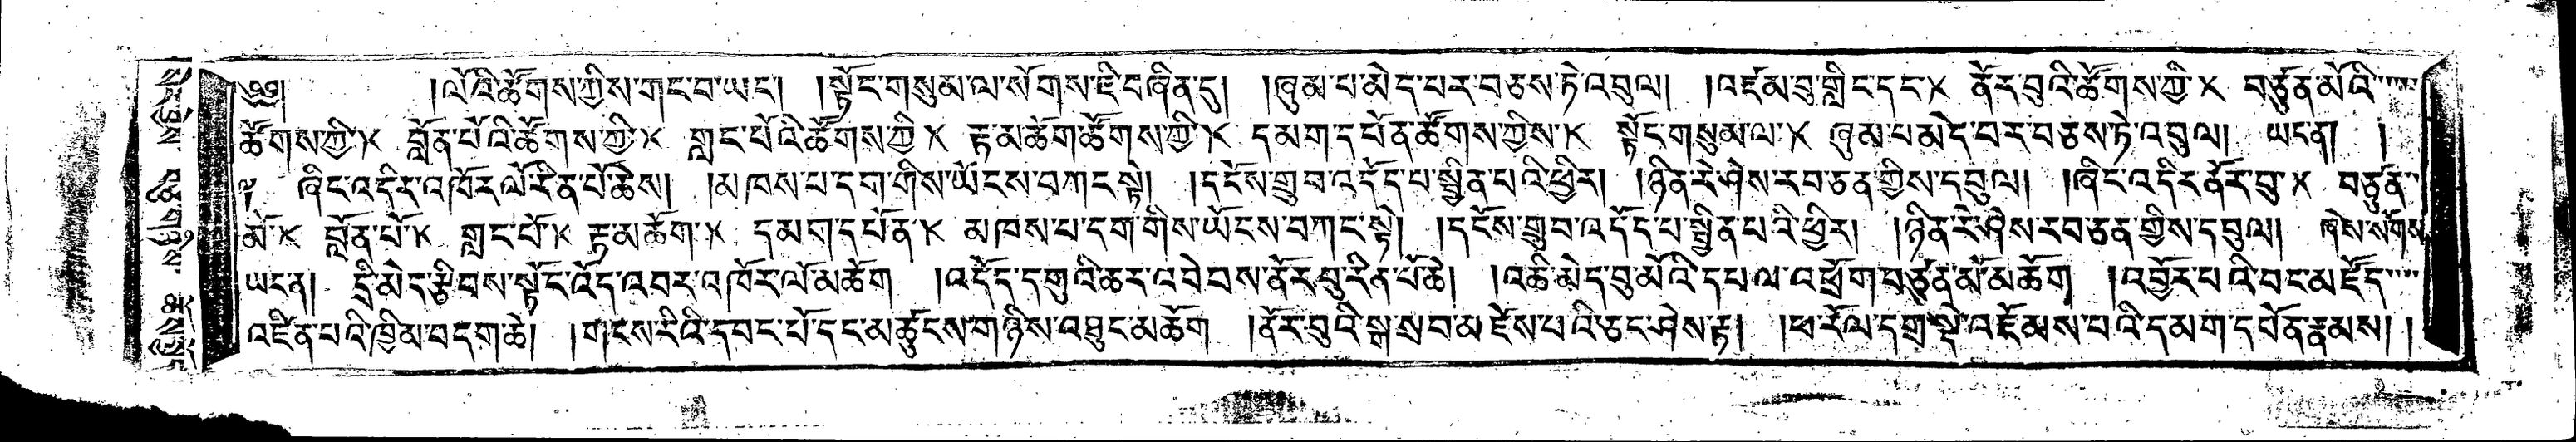༄༅། །ལོའི་ཚོགས་ཀྱིས་གང་བ་ཡང་། །སྟོང་གསུམ་ལ་སོགས་ཇི་བཞིན་དུ། །ཞུམ་པ་མེད་པར་བཅས་ཏེ་འབུལ། །འཛམ་བུ་གླིང་དང་{྾}་ནོར་བུའི་ཚོགས་ཀྱི་{྾}་བཙུན་མོའི་
ཚོགས་ཀྱི་{྾}་བློན་པོའི་ཚོགས་ཀྱི་{྾}་གླང་པོའི་ཚོགས་ཀྱི་{྾}་རྟ་མཆོག་ཚོགས་ཀྱི་{྾}་དམག་དཔོན་ཚོགས་ཀྱིས་{྾}་སྟོང་གསུམ་ལ་{྾}་ཞུམ་པ་མེད་བར་བཅས་ཏེ་འབུལ། ཡང་ན། །
༈ ཞིང་འདིར་འཁོར་ལོ་རིན་པོ་ཆེས། །མཁས་པ་དག་གིས་ཡོངས་བཀང་སྟེ། །དངོས་གྲུབ་འདོད་པ་སྦྱིན་པའི་ཕྱིར། །ཉིན་རེ་ཤེས་རབ་ཅན་གྱིས་དབུལ། །ཞིང་འདིར་ནོར་བུ་{྾}་བཙུན་
མོ་{྾}་བློན་པོ་{྾}་གླང་པོ་{྾}་རྟ་མཆོག་{྾}་དམག་དཔོན་{྾}་མཁས་པ་དག་གིས་ཡོངས་བཀང་སྟེ། །དངོས་གྲུབ་འདོད་པ་སྦྱིན་པའི་ཕྱིར། །ཉིན་རེ་ཤེས་རབ་ཅན་གྱིས་དབུལ། ཞེས་སོགས་
ཡང་ན། དྲི་མེད་རྩིབས་སྟོང་འོད་འབར་འཁོར་ལོ་མཆོག །འདོད་དགུའི་ཆར་འབེབས་ནོར་བུ་རིན་པོ་ཆེ། །འཆི་མེད་བུ་མོའི་དཔལ་འཕྲོག་བཙུན་མོ་མཆོག །འབྱོར་པའི་བང་མཛོད་
འཛིན་པའི་ཁྱིམ་བདག་ཆེ། །གངས་རིའི་དབང་པོ་དང་མཚུངས་གཉིས་འཐུང་མཆོག །ནོར་བུའི་སྒ་སྲབ་མཛེས་པའི་ཅང་ཤེས་རྟ། །ཕ་རོལ་དགྲ་སྡེ་འཇོམས་པའི་དམག་དཔོན་རྣམས། །